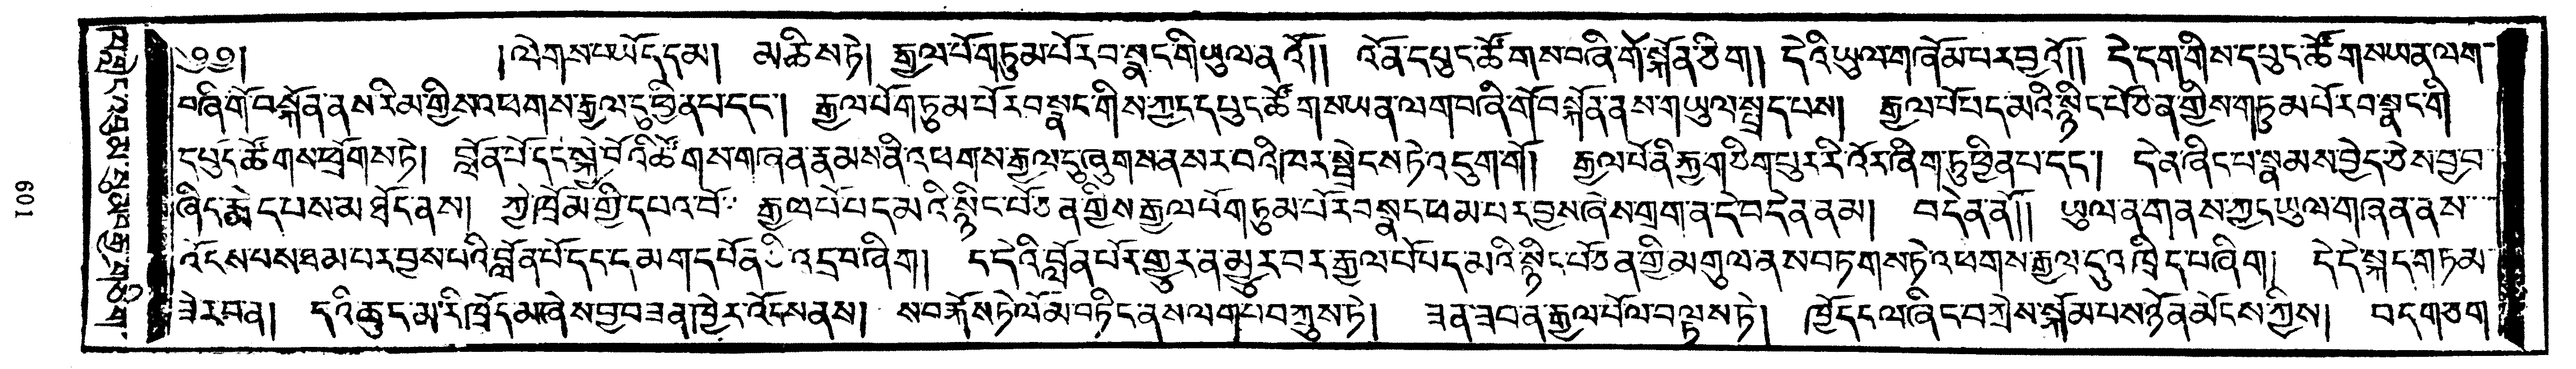༄༅། །ལེགས་པ་ཡོད་དམ། མཆིས་ཏེ། རྒྱལ་པོ་གཏུམ་པོར་སྣང་གི་ཡུལ་ནའོ།། འོན་དཔུང་ཚོགས་བཞི་གོ་སྐོན་ཅིག། དེའི་ཡུལ་གཞོམ་པར་བྱའོ།། དེ་དག་གིས་དཔུང་ཚོགས་ཡན་ལག་
བཞི་གོ་བསྐོན་ནས་རིམ་གྱིས་འཕགས་རྒྱལ་དུ་ཕྱིན་པ་དང་། རྒྱལ་པོ་གཏུམ་པོ་རབ་སྣང་གིས་ཀྱང་དཔུང་ཚོགས་ཡན་ལག་བཞི་གོ་བསྐོན་ནས་གཡུལ་སྤྲད་པས། རྒྱལ་པོ་པད་མའི་སྙིང་པོ་ཅན་གྱིས་གཏུམ་པོ་རབ་སྣང་གི་
དཔུང་ཚོགས་ཕྲོགས་ཏེ། བློན་པོ་དང་སྐྱེ་བོའི་ཚོགས་གཞན་རྣམས་ནི་འཕགས་རྒྱལ་དུ་ཞུགས་ནས་ར་བའི་ཁར་སྦྲེངས་ཏེ་འདུག་གོ། རྒྱལ་པོ་ནི་རྐྱ་གཅིག་པུརྲི་འོར་ཞིག་ཏུ་ཕྱིན་པ་དང་། དེ་ན་ཞིང་པ་སྣམས་བྱེད་ཅེས་བྱ་བ་
ཞིང་རྨེད་པས་མཐོང་ནས། ཀྱེ་ཁྲོམ་གྱི་དཔའ་བོ་རྒྱལ་པོ་པད་མའི་སྙིང་པོ་ཅན་གྱིས་རྒྱལ་པོ་གཏུམ་པོ་རབ་སྣང་ཕམ་པར་བྱས་ཞེས་གྲག་ན་དེ་བདེན་ནམ། བདེན་ནོ།། ཡུལ་ན་གནས་ཀྱང་ཡུལ་གཞན་ནས་
ཕ༹འོངས་པས་ཐམ་པར་བྱས་པའི་བློན་པོ་དང་དམག་དཔོན་ཅི་འདྲ་བ་ཞིག། ད་དེའི་བློན་པོར་གྱུར་ན་མྱུར་བར་རྒྱལ་པོ་པད་མའི་སྙིང་པོ་ཅན་གྱི་མགུལ་ནས་བཏགས་ཏེ་འཕགས་རྒྱལ་དུ་འཁྲིད་པ་ཞིག། དེ་དེ་སྐད་གཏམ་
ཟེར་བ་ན། དའི་ཆུང་མ་རི་ཁྲོད་མ་ཞེས་བྱ་བ་ཟན་ཁྱེར་འོངས་ནས། ས་བརྐོས་ཏེ་ལོ་མ་བཏིང་ནས་ལག་པ་བཀྲུས་ཏེ། ཟན་ཟབ་ན་རྒྱལ་པོ་ལ་བལྟས་ཏེ། ཁྱོད་ངལ་ཞིང་བཀྲེས་སྐོམ་པས་ཉོན་མོངས་ཀྱིས། བདག་ཅག་